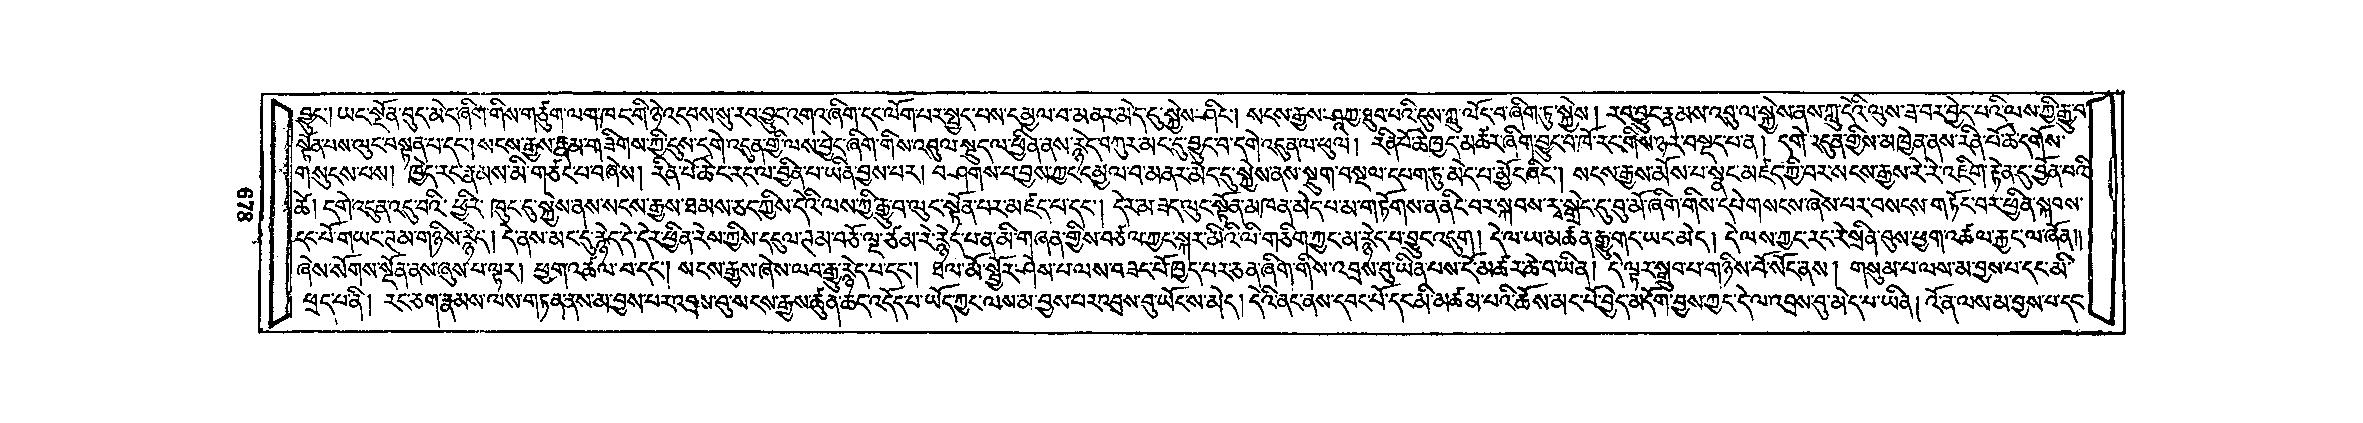བྱུང་། ཡང་སྔོན་བུད་མེད་ཞིག་གིས་གཙུག་ལག་ཁང་གི་ཉེ་འདབས་སུ་རབ་བྱུང་འགའ་ཞིག་དང་ལོག་པར་སྤྱད་པས་དམྱལ་བ་མནར་མེད་དུ་སྐྱེས་ཤིང་། སངས་རྒྱས་ཤཱཀྱ་ཐུབ་པའི་དུས་ཀླུ་ལོང་བ་ཞིག་ཏུ་སྐྱེས། རབ་བྱུང་རྣམས་འབུ་ལ་སྐྱེས་ནས་ཀླུ་དེའི་ལུས་ཟ་བར་བྱེད་པའི་ལས་ཀྱི་རྒྱུ་བ་
སྟོན་པས་ལུང་བསྟན་པ་དང་། སངས་རྒྱས་རྣམ་གཟིགས་ཀྱི་དུས་དགེ་འདུན་གྱི་ལས་བྱེད་ཞིག་གིས་འབུལ་སྡུད་ལ་ཕྱིན་ནས་རྙེད་བཀུར་མང་དུ་བྱུང་བ་དགེ་འདུན་ལ་ཕུལ། རིན་པོ་ཆེ་ཁྱད་མཚར་ཞིག་བྱུང་བ་ཁོ་རང་གིས་ཉར་བསྡད་པ་ན། དགེ་འདུན་གྱིས་མཁྱེན་ནས་རིན་པོ་ཆེ་དགོས་
གསུངས་པས། ཁྱེད་རང་རྣམས་མི་གཙང་པ་བཞེས། རིན་པོ་ཆེ་ང་རང་ལ་བྱིན་པ་ཡིན་བྱས་པར། བཤགས་པ་བྱས་ཀྱང་དམྱལ་བ་མནར་མེད་དུ་སྐྱེས་ནས་སྡུག་བསྔལ་དཔག་ཏུ་མེད་པ་མྱོང་ཞིང་། སངས་རྒྱས་མོས་པ་སྣང་མཛད་ཀྱི་བར་སངས་རྒྱས་རེ་རེ་འཇིག་རྟེན་དུ་བྱོན་པའི་
ཚེ། དགེ་འདུན་འདུ་བའི་ཕྱིར་ཁུང་དུ་སྐྱེས་ནས་སངས་རྒྱས་ཐམས་ཅད་ཀྱིས་དེའི་ལས་ཀྱི་རྒྱུ་བ་ལུང་སྟོན་པར་མཛད་པ་དང་། དེར་མ་ཟད་ལུང་སྟོན་མཁན་མེད་པ་མ་གཏོགས་ན་ནིང་བར་སྐབས་རྭ་སྒྲེང་དུ་བུ་མོ་ཞིག་གིས་དཔེ་གསངས་ཞེས་པར་བསངས་གཏོང་བར་ཕྱིན་སྐབས་
དང་པོ་གཡང་ཊམ་གཉིས་རྙེད། དེ་ནས་མང་དུ་རྙེད་དེ་དེར་ཕྱིན་རེས་ཀྱིས་དངུལ་ཊམ་བཅོ་ལྔ་ཙམ་རེ་རྙེད་པ་ན་མི་གཞན་གྱིས་བཙལ་ཀྱང་སྐར་མིའི་ལི་གཅིག་ཀྱང་མ་རྙེད་པ་བྱུང་འདུག །དེ་ལ་ཡ་མཚན་རྒྱུ་གང་ཡང་མེད། དེ་ལས་ཀྱང་རང་རེ་སྲིན་བུས་ཕྱག་འཚལ་རྐྱང་ལ་ཞོན། །
ཞེས་སོགས་སྔོན་ནས་ཞུས་པ་ལྟར། ཕྱག་འཚལ་བ་དང་། སངས་རྒྱས་ཞེས་ལབ་རྒྱུ་རྙེད་པ་དང་། ཐལ་མོ་སྦྱོར་ཤེས་པ་ལས་བཟང་པོ་ཁྱད་པར་ཅན་ཞིག་གིས་འབྲས་བུ་ཡིན་པས་ངོ་མཚར་ཆེ་བ་ཡིན། དེ་ལྟར་སྒྲུབ་པ་གཉིས་བོ་སོང་ནས། གསུམ་པ་ལས་མ་བྱས་པ་དང་མི་
ཕྲད་པ་ནི། རང་ཅག་རྣམས་ལས་གཏན་ནས་མ་བྱས་པར་འབྲས་བུ་སངས་རྒྱས་ཚུན་ཆད་འདོད་པ་ཡོད་ཀྱང་ལས་མ་བྱས་པར་འབྲས་བུ་ཡོངས་མེད། དེའི་ནང་ནས་དབང་པོ་དང་མི་མཚམ་པའི་ཆོས་མང་པོ་བྱེད་མདོག་བྱས་ཀྱང་དེ་ལ་འབྲས་བུ་མེད་པ་ཡིན། འོ་ན་ལས་མ་བྱས་པ་དང་